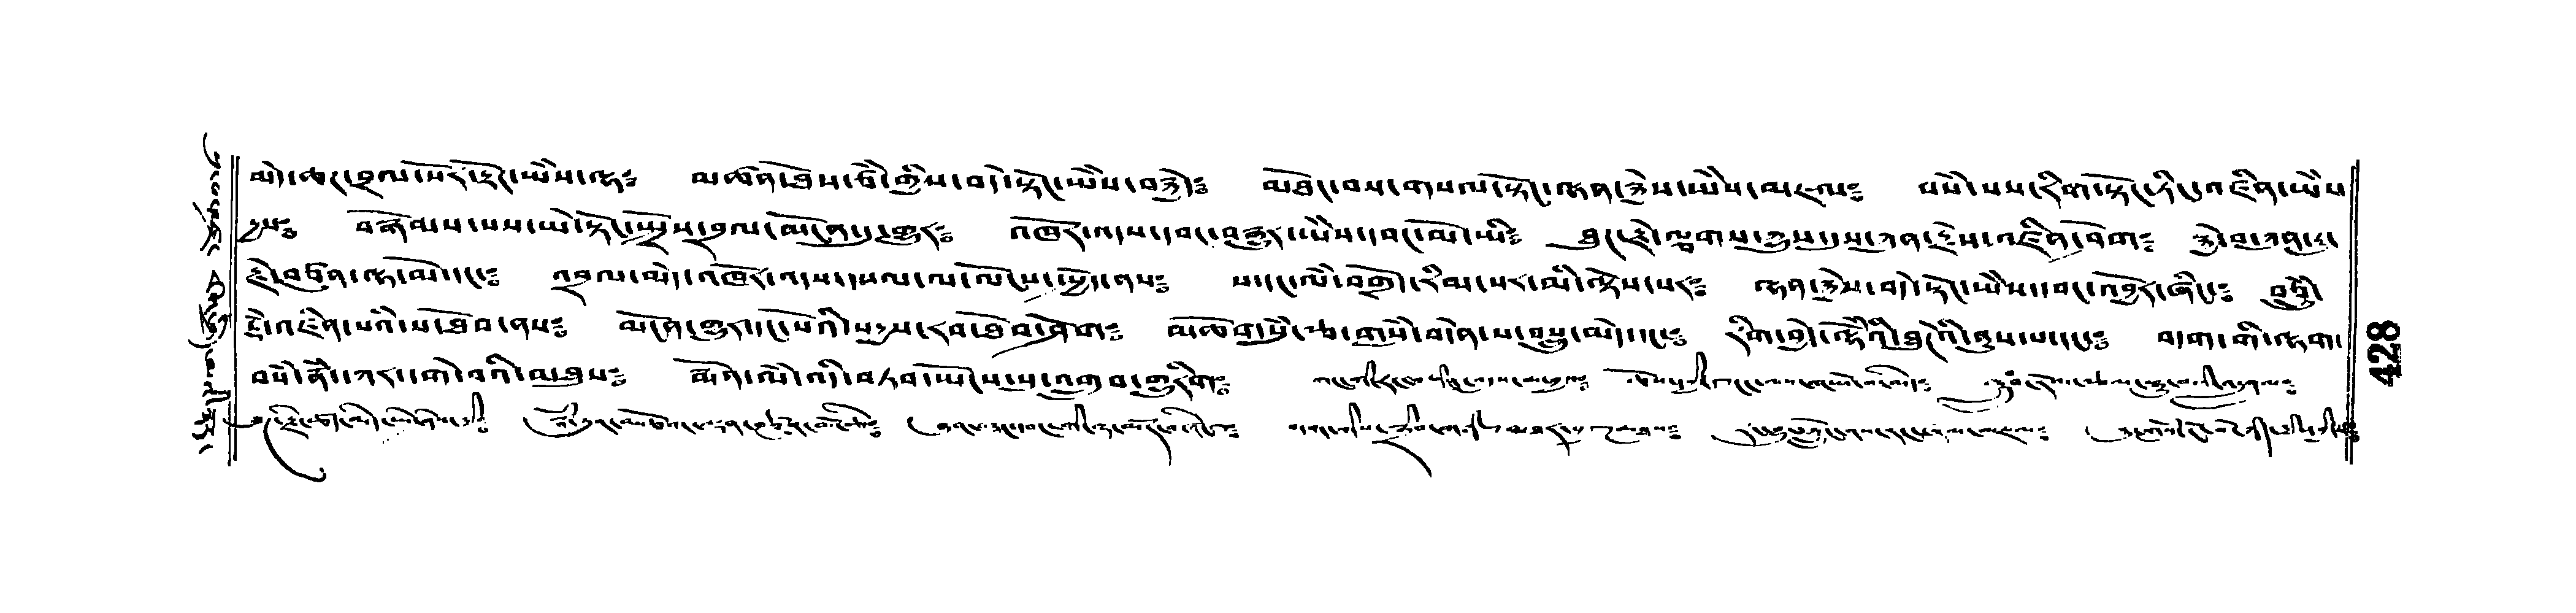མེད་ཆགས་བྲལ་སོར་རྟོགས་ཡེ་ཤེས་ལྷ༔ མཚན་ཐོས་ཙམ་གྱིས་བདེ་སྟོང་ཡེ་ཤེས་བསྐྱེད༔ མཐོང་བས་གསལ་སྟོང་ལྷན་སྐྱེས་ཡེ་ཤེས་མཇལ༔ བསམ་པས་རིག་སྟོང་ཏིང་འཛིན་ཡེ་ཤེས་
རྒྱས༔ བསྒོམས་པས་ཡེ་སྟོང་སྤྲོས་བྲལ་མངོན་དུ་གྱུར༔ འཁོར་འདས་དབང་བསྒྱུར་ཡེ་ཤེས་དབང་མོ་ཡི༔ ཐུགས་རྗེ་ལྕགས་ཀྱུས་དུས་ཀུན་རྗེས་འཛིན་ཤོག༔ སྐྱེ་བ་ཀུན་ཏུ་
རྗེ་བཙུན་ལྷ་མོ་དང༔ འབྲལ་མེད་འཁོར་འདས་དཔལ་ལ་ལོངས་སྤྱོད་ནས༔ ས་དང་ལམ་བགྲོད་རིམ་པར་མི་ལྟོས་པར༔ ལྷན་སྐྱེས་བདེ་སྟོང་ཡེ་ཤེས་དབང་འབྱོར་ཞིང༔ བཅུ་གསུམ་
རྡོ་རྗེ་འཛིན་པའི་ས་ཐོབ་ནས༔ མངོན་གྱུར་དང་པོའི་སངས་རྒྱས་རབ་ཐོབ་ཤོག༔ མཆོག་གསུམ་རྩ་གསུམ་བདེན་པ་བསླུ་མེད་དང༔ རིག་བྱེད་ལྷ་མོའི་ཐུགས་རྗེའི་ནུས་པ་དང༔ བདག་གི་ལྷག་
བསམ་རྣམ་དཀར་དགེ་བའི་མཐུས༔ སྨོན་ལམ་འདི་བཏབ་ཡོངས་སུ་འགྲུབ་གྱུར་ཅིག༔གང་གི་རང་བཞིན་འདུས་མ་བྱས༔ ཆོས་དབྱིངས་ངང་ལས་གཡོ་བ་མེད༔ ལྷུན་གྲུབ་རོལ་རྩལ་སྒྱུ་མའི་འཕྲུལ༔ 
ཐུགས་རྗེ་ཚད་མེད་ཡེ་ཤེས་ཀྱི༔ རྣམ་ཀུན་མཆོག་ལྡན་བཙུན་མོ་ཆེ༔ ཀུན་བཟང་དབང་གི་ལྷ་མོར་བཞེངས༔ བདག་གིས་སྒྲིབ་གཉིས་མཐར་བྱས་མཐུས༔ རང་བྱུང་ཀློང་ནས་རང་ཞལ་མཇལ༔ སྐུ་གསུམ་ངོ་བོ་ཉིད་ཀྱིས་དབྱིངས༔